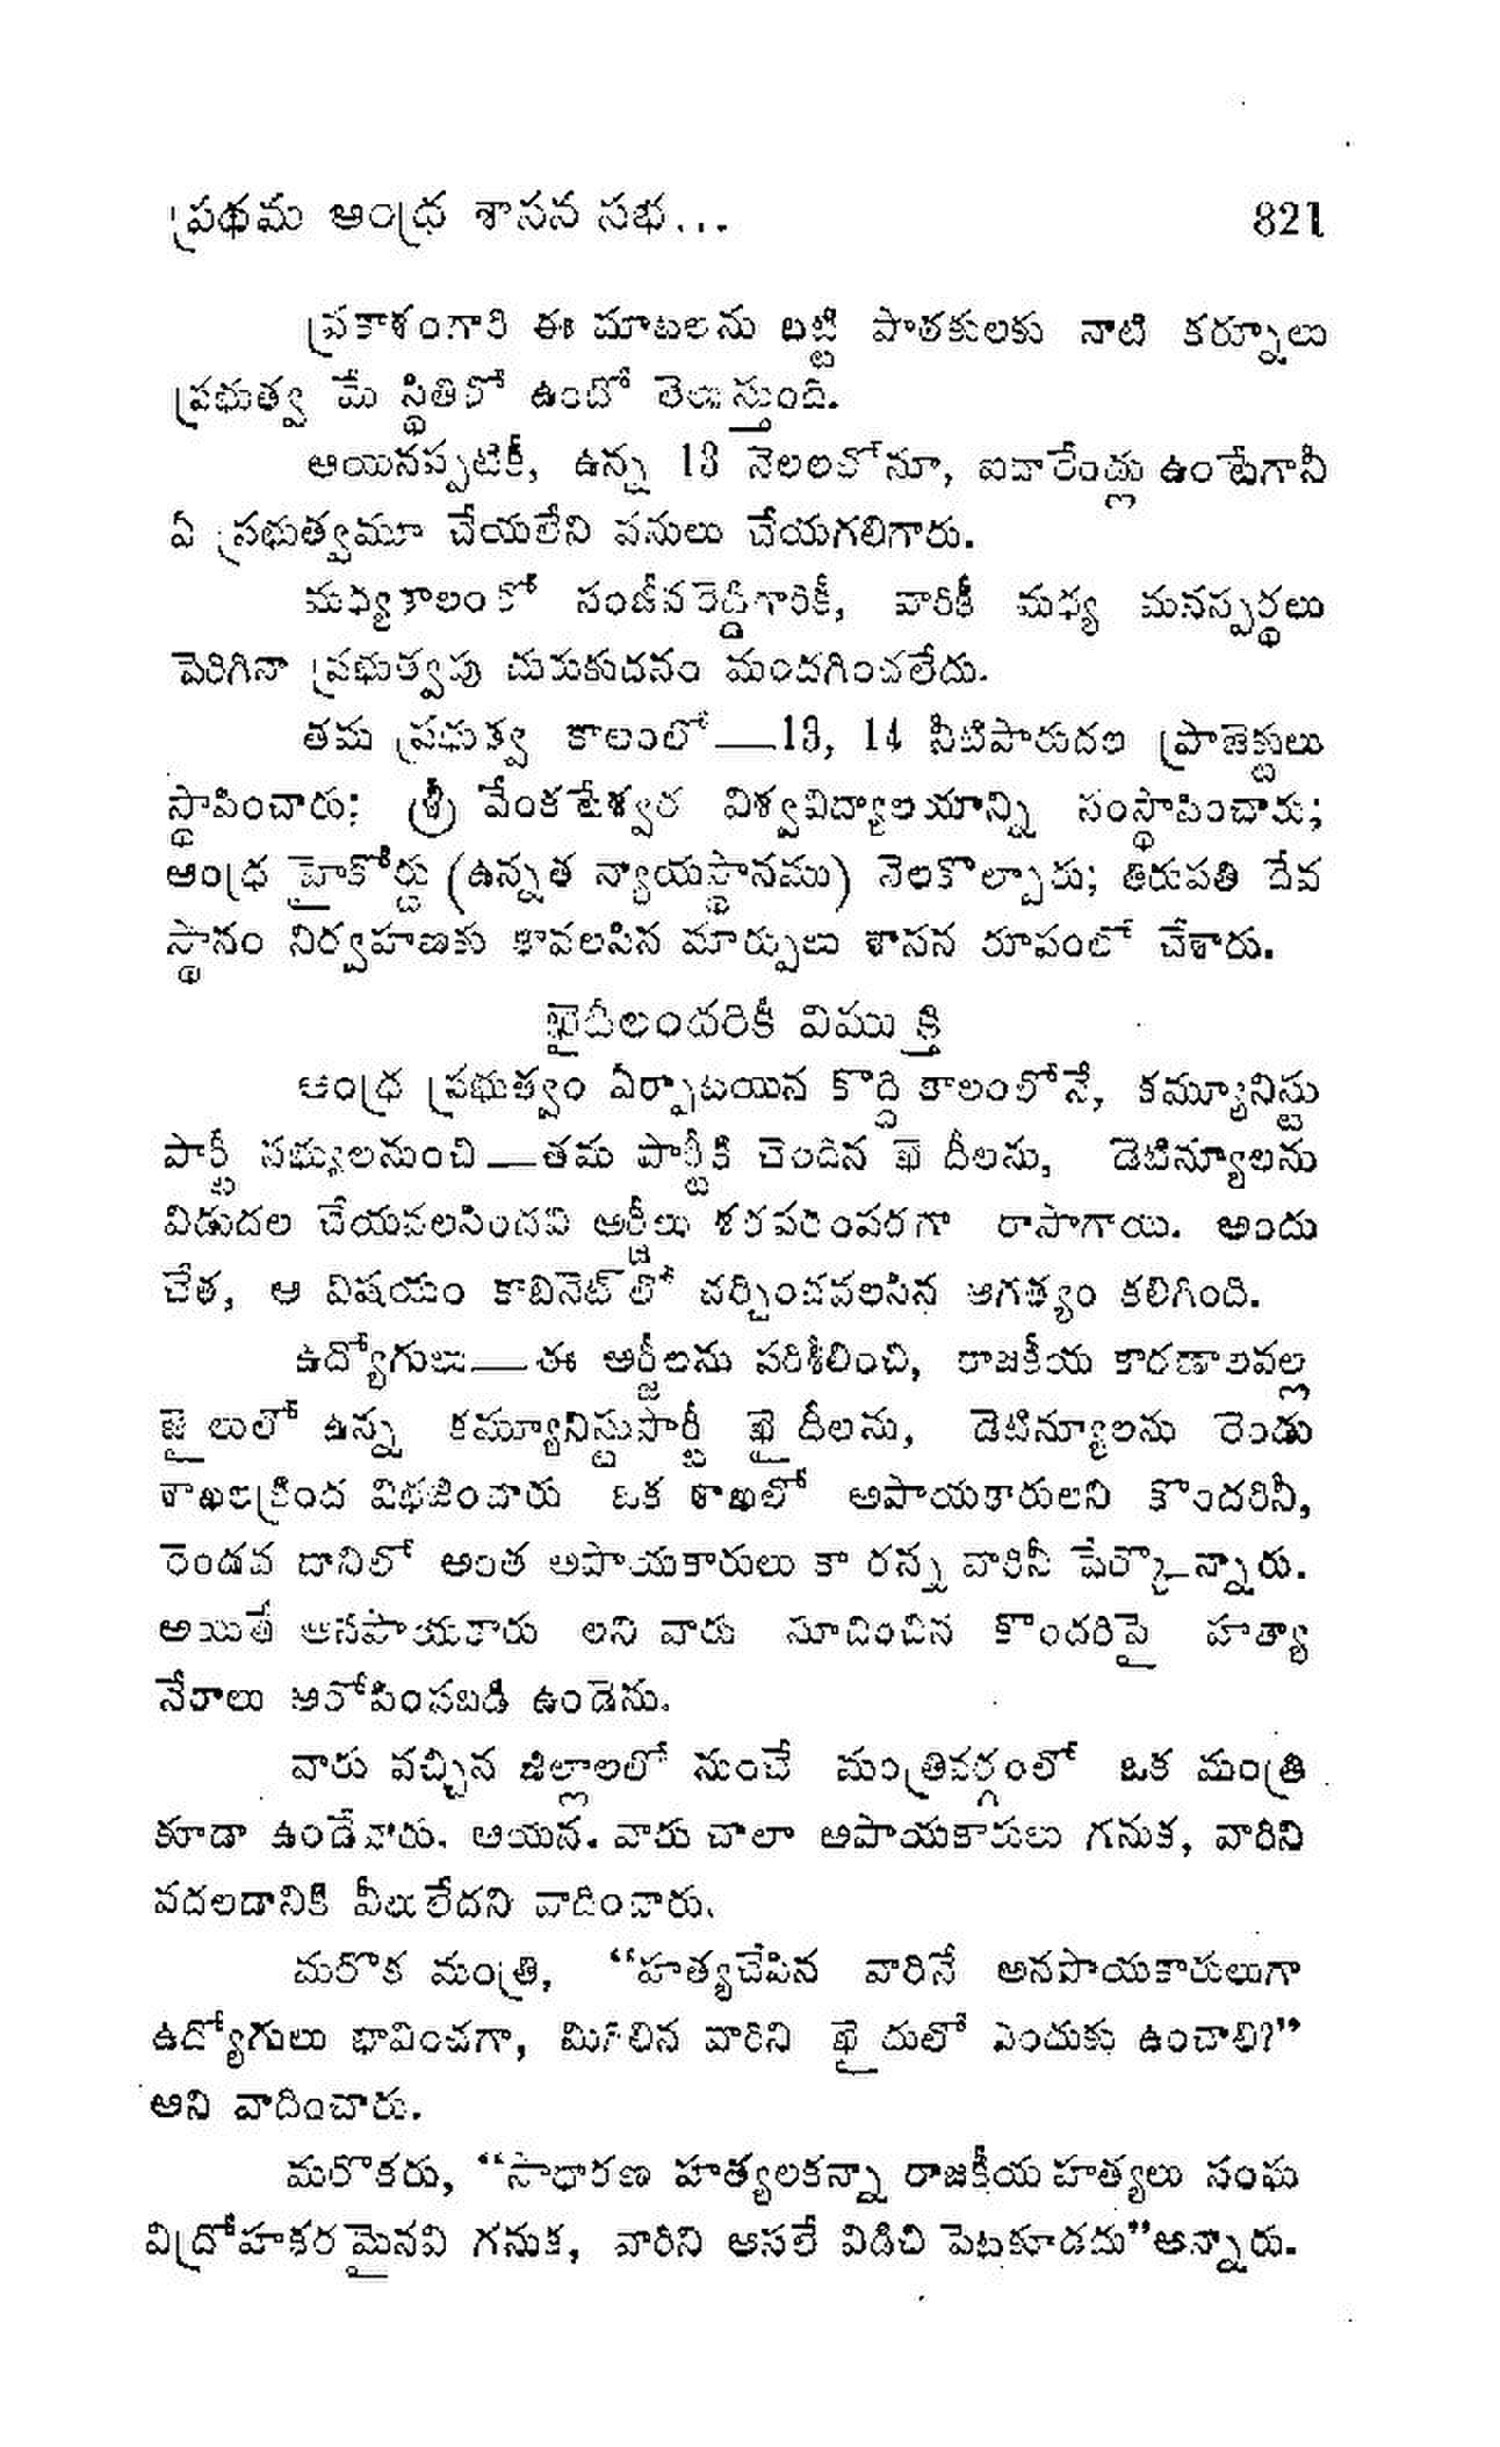ప్రకాశంగారి ఈ మాటలను బట్టి పాఠకులకు నాటి కర్నూలు ప్రభుత్వ మే స్థితిలో ఉందో తెలుస్తుంది.

అయినప్పటికీ, ఉన్న 13 నెలలలోనూ, ఐదారేండ్లు ఉంటేగానీ ఏ ప్రభుత్వమూ చేయలేని పనులు చేయగలిగారు.

మధ్యకాలంలో సంజీవరెడ్డిగారికీ, వారికీ మధ్య మనస్పర్థలు పెరిగినా ప్రభుత్వపు చురుకుదనం మందగించలేదు.

తమ ప్రభుత్వ కాలంలో - 13, 14 నీటిపారుదల ప్రాజెక్టులు స్థాపించారు; శ్రీ వేంకటేశ్వర విశ్వవిద్యాలయాన్ని సంస్థాపించారు; ఆంధ్ర హైకోర్టు (ఉన్నత న్యాయస్థానము) నెలకొల్పారు; తిరుపతి దేవస్థానం నిర్వహణకు కావలసిన మార్పులు శాసన రూపంలో చేశారు.

ఆంధ్ర ప్రభుత్వం ఏర్పాటయిన కొద్ది కాలంలోనే, కమ్యూనిస్టు పార్టీ సభ్యులనుంచి - తమ పార్టీకి చెందిన ఖైదీలను, డెటిన్యూలను విడుదల చేయవలసిందని అర్జీలు శరపరంపరగా రాసాగాయి. అందుచేత, ఆ విషయం కాబినెట్‌లో చర్చించవలసిన అగత్యం కలిగింది.

ఉద్యోగులు _ ఈ అర్జీలను పరిశీలించి, రాజకీయ కారణాలవల్ల జైలులో ఉన్న కమ్యూనిస్టుపార్టీ ఖైదీలను, డెటిన్యూలను రెండు శాఖలక్రింద విభజించారు. ఒక శాఖలో అపాయకారులని కొందరినీ, రెండవ దానిలో అంత అపాయకారులు కారన్న వారినీ పేర్కొన్నారు. అయితే అనపాయకారు లని వారు సూచించిన కొందరిపై హత్యా నేరాలు ఆరోపింపబడి ఉండెను.

వారు వచ్చిన జిల్లాలలో నుంచే మంత్రివర్గంలో ఒక మంత్రి కూడా ఉండేవరు. ఆయన - వారు చాలా అపాయకారులు గనుక, వారిని వదలడానికి వీలులేదని వాదించారు.

మరొక మంత్రి, "హత్యచేసిన వారినే అనపాయకారులుగా ఉద్యోగులు భావించగా, మిగిలిన వారిని ఖైదులో ఎందుకు ఉంచాలి?" అని వాదించారు.

మరొకరు, "సాధారణ హత్యలకన్నా రాజకీయ హత్యలు సంఘ విద్రోహకరమైనవి గనుక, వారిని అసలే విడిచి పెట్టకూడదు" అన్నారు.